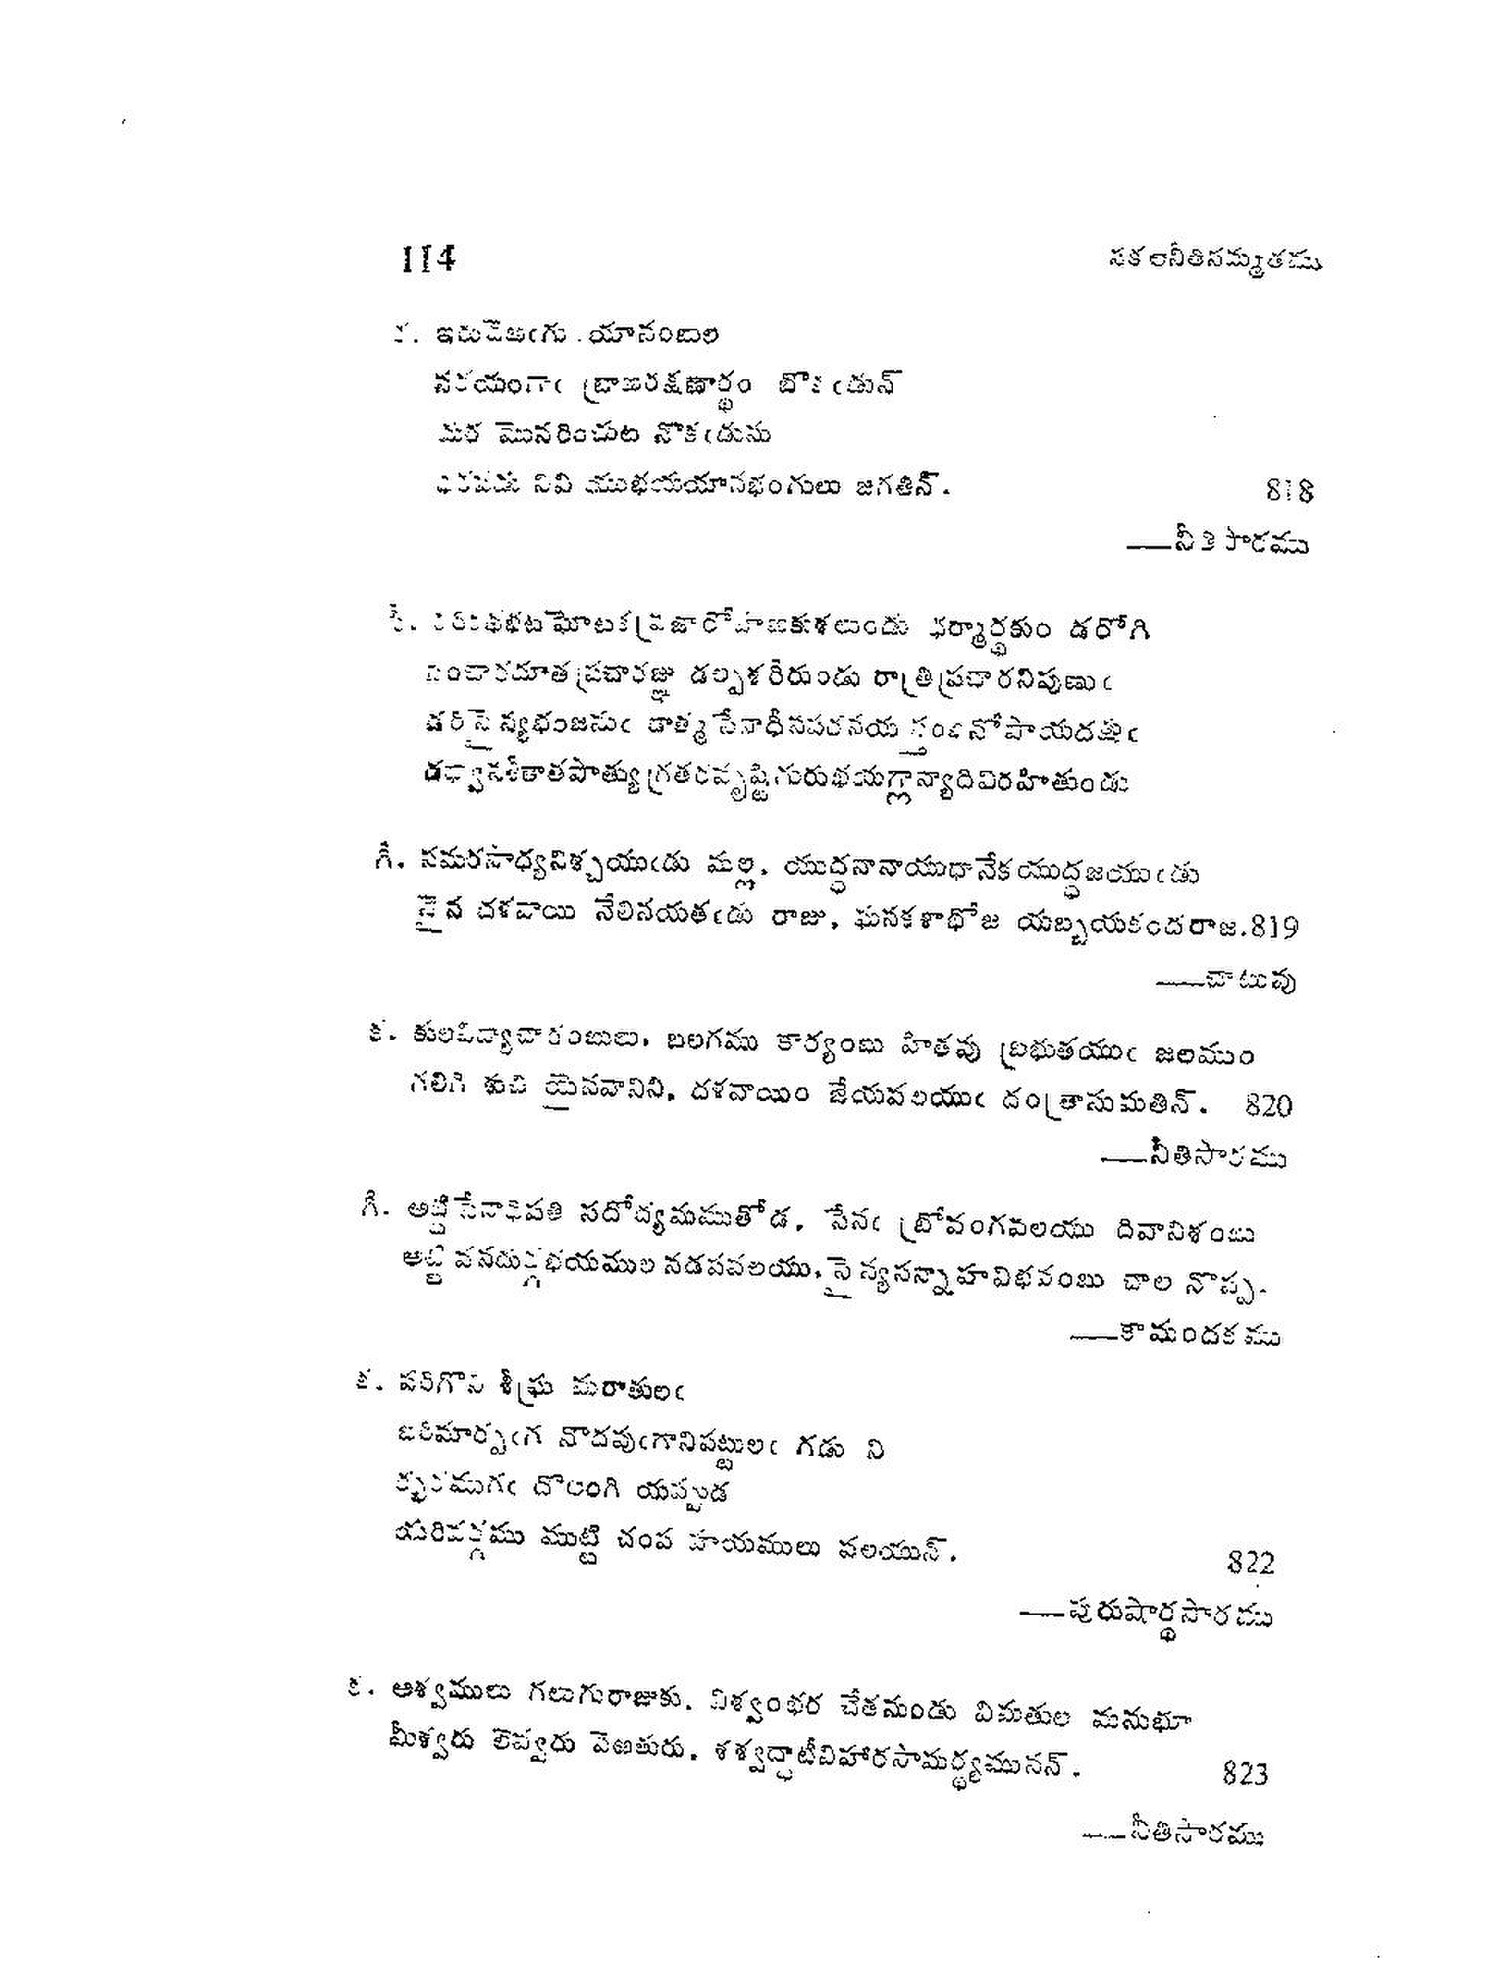క. ఇరుదెఱఁగు యానంబుల
నరయంగాఁ బ్రాణరక్షణార్థం బొకఁడున్
దుర మొనరించుట నొకఁడును
భరపడు నివి యుభయయానభంగులు జగతిన్. 818

సీ. కరిరథభటఘోటకవ్రజారోహణ
కుశలుండు ధర్మార్థకుం డరోగి
సంచారదూతప్రచారజ్ఞుఁ డల్ప
శరీరుండు రాత్రిప్రచారనిపుణుఁ
డరిసైన్యభంజనుఁ డాత్మసేనాధీన
పరనయస్తంభనోపాయదక్షుఁ
డధ్వానశీతాతపాత్యుగ్రతరవృష్టి
గురుభయగ్లాన్యాదివిరహితుండు
గీ. సమరసాధ్యనిశ్చయుఁడు మల్లయుద్ధ
నానాయుధానేకలయుద్ధజయుఁడు
నైన దళవాయి నేలిన యతఁడు రాజు
ఘనకళాభోజ యబ్బయకందరాజ. 819

క. కులవిద్యాచారంబులు
బలగము కార్యంబు హితవు బ్రభుతయుఁ జలముం
గలిగి శుచి యైనవానిని
దళవాయిం జేయవలయుఁ దంత్రానుమతిన్. 820

గీ. అట్టి సేనాధిపతి సదోద్యమముతోడ
సేనఁ బ్రోవంగవలయు దివానిశంబు
అట్టి వనదుర్గభయముల నడపవలయు
సైన్యసన్నాహవిభవంబు చాల నొప్ప. 821

క. పరిగొని శీఘ్ర మరాతులఁ
బరిమార్పఁగ నొదవుఁగాని పట్టులఁ గడు ని
ర్భరముగఁ దొలంగి యప్పుడ
యరివర్గము ముట్టి చంప హయములు వలయున్. 822

క. అశ్వములు గలుగు రాజుకు
విశ్వంభర చేతనుండు విమతుల మనుభూ
మీశ్వరు లెవ్వరు వెఱతురు
శశ్వద్ధాటీవిహారసామర్థ్యమునన్. 823